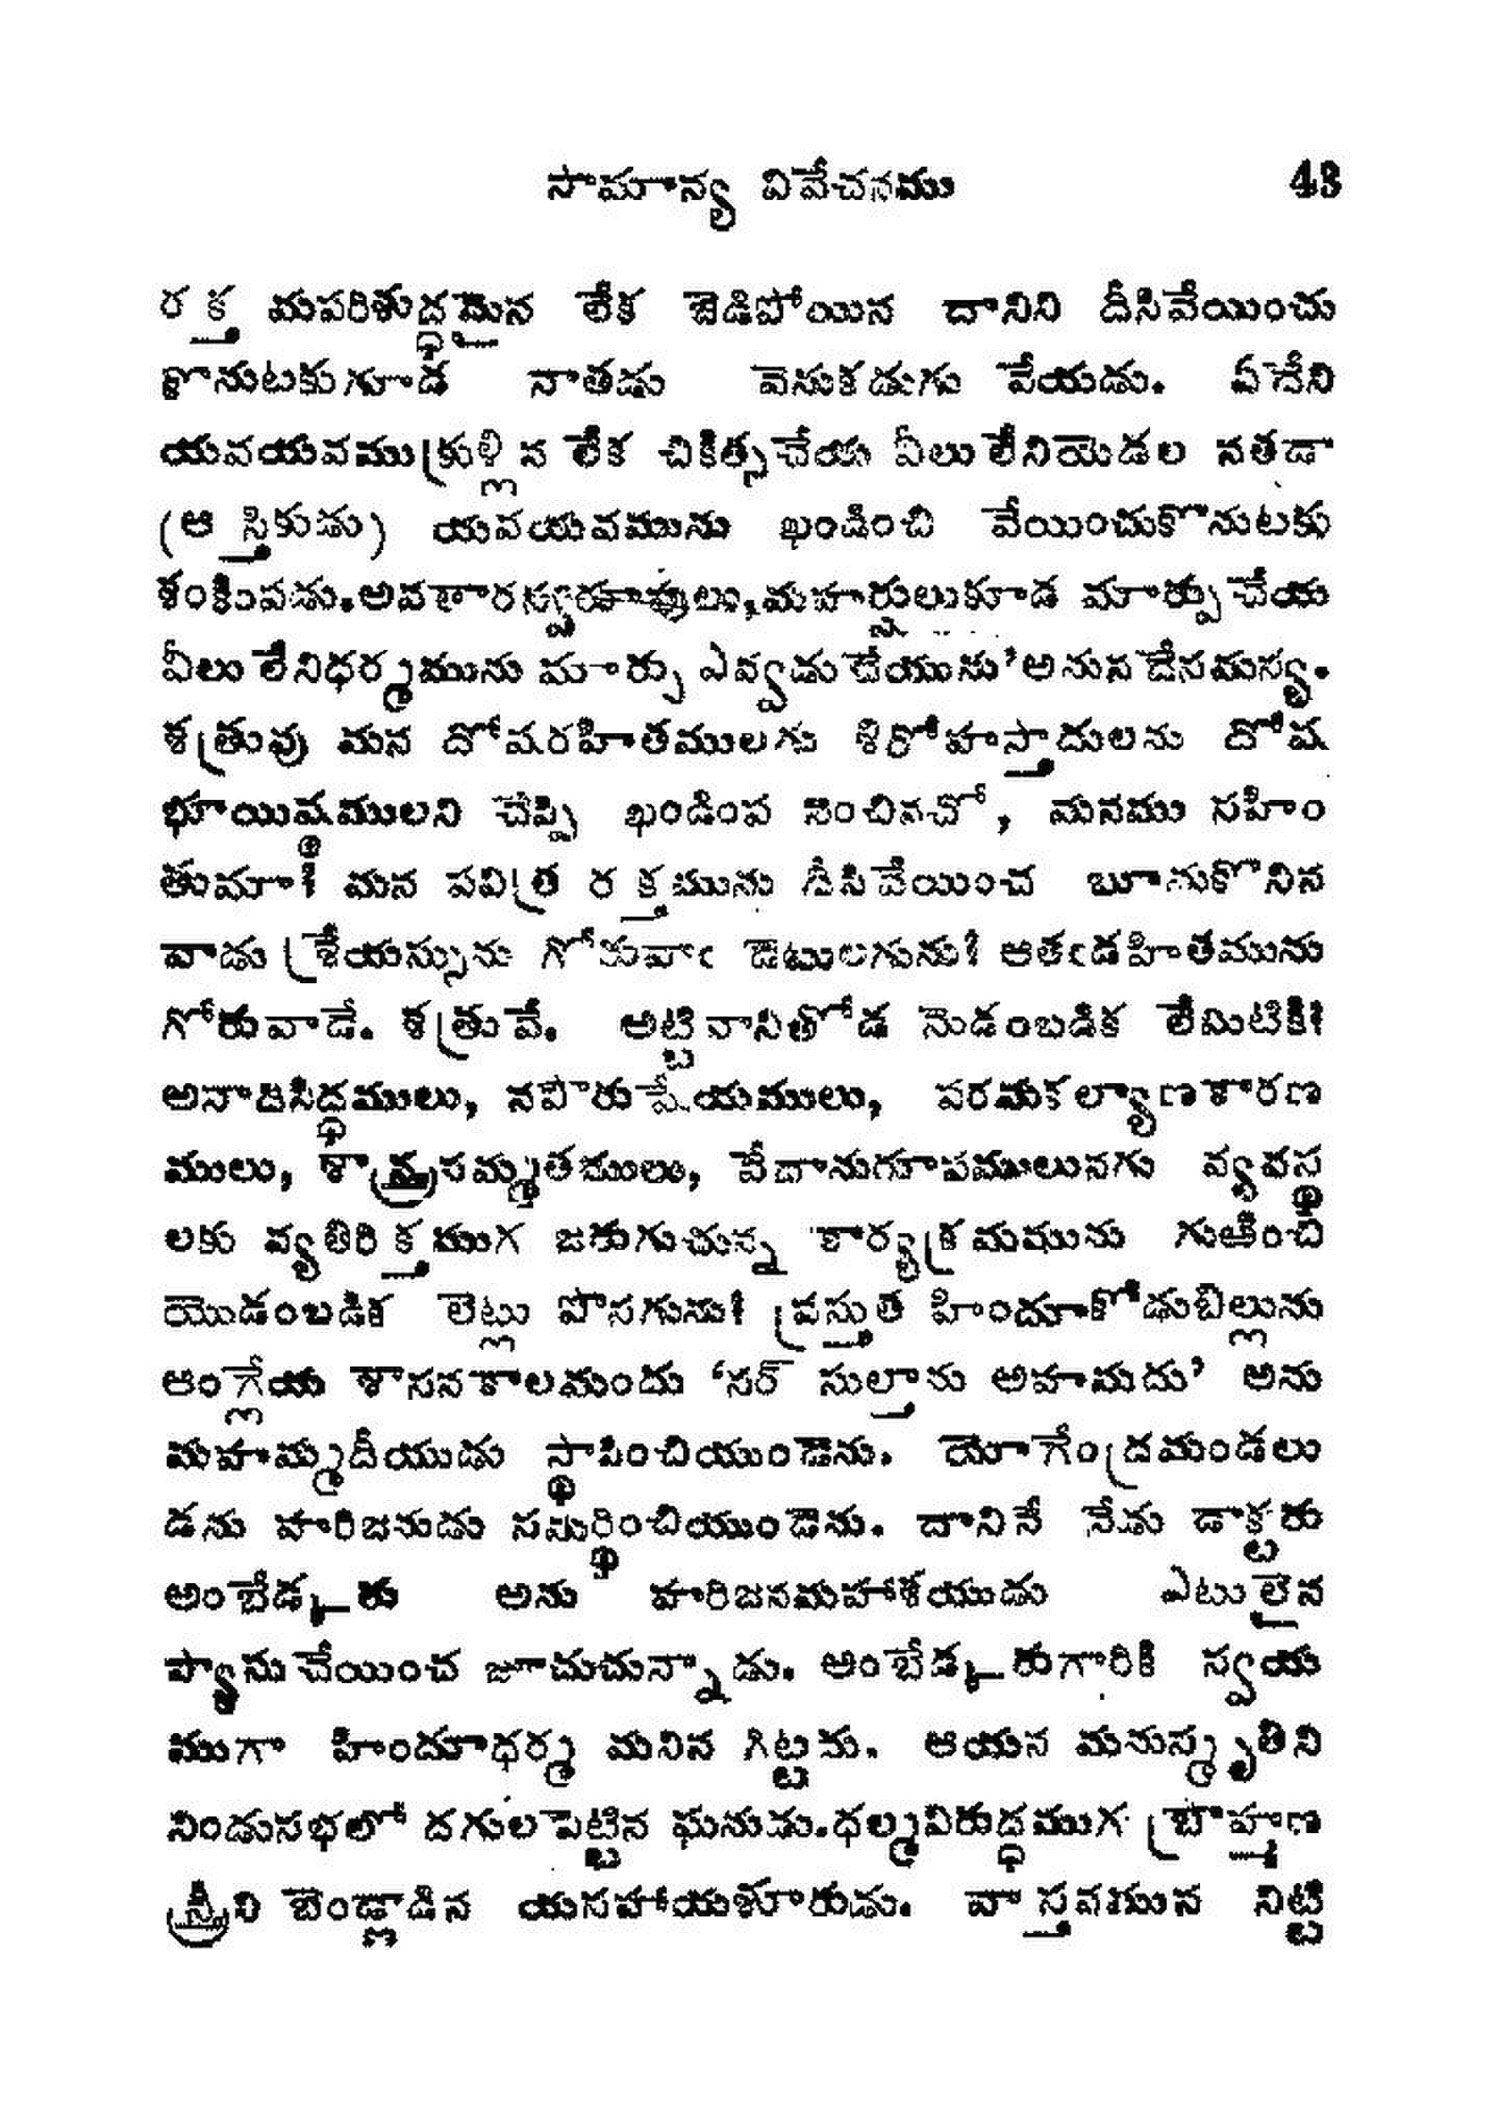రక్త మపరిశుద్ధమైన లేక జెడిపోయిన దానిని దీసివేయించు
కొనుటకుగూడ నాతడు వెనుకడుగు వేయడు. ఏదేని యవయవము 
క్రుళ్ళిన లేక చికిత్సచేయ వీలులేనియెడల నతడా (ఆస్తికుడు) 
యవయవమును ఖండించి వేయించుకొనుటకు శంకింపడు. 
అవతారస్వరూపులు, మహర్షులు కూడ మార్పు చేయ వీలులేని
ధర్మమును మార్పు ఎవ్వడు చేయును' అనునదే సమస్య.
శత్రువు మన దోషరహితములగు శిరోహస్తాదులను దోష
భూయిష్టములని చెప్పి ఖండింప నెంచినచో, మనము 
సహింతుమా? మన పవిత్ర రక్తమును దీసివేయించ బూనుకొనిన
వాడు శ్రేయస్సును గోరువాఁ డెటులగును? ఆతఁడహితమును
గోరువాడే. శత్రువే. అట్టి వానితోడ నొడంబడిక లేమిటికి?
అనాది సిద్ధములు, నపౌరుషేయములు, పరమకల్యాణ 
కారణములు, శాస్త్ర సమ్మతములు, వేదానురూపములునగు వ్యవస్థ
లకు వ్యతిరిక్తముగ జరుగుచున్న కార్యక్రమము గుఱించి 
యొడంబడిక లెట్లు పొసగును? ప్రస్తుత హిందూకోడుబిల్లును
ఆంగ్లేయ శాసనకాలముందు 'సర్ సుల్తాను అహమదు' అను
మహమ్మదీయుడు స్థాపించియుండెను. యోగేంద్ర మండలుడను 
హరిజనుడు సమర్థించియుండెను. దానినే నేడు డాక్టరు
అంబేడ్కరుఅను హరిజనమహాశయుడు ఎటులైన
ప్యాసు చేయించ జూచుచున్నాడు. అంబేడ్కరుగారికి స్వయముగా 
హిందూధర్మ మనిన గిట్టదు. ఆయన మనుస్మృతిని
నిండుసభలో దగుల పెట్టిన ఘనుడు. ధర్మ విరుద్ధముగ బ్రాహ్మణ
స్త్రీని బెండ్లాడిన యసహాయశూరుడు. వాస్తవమున నిట్టి